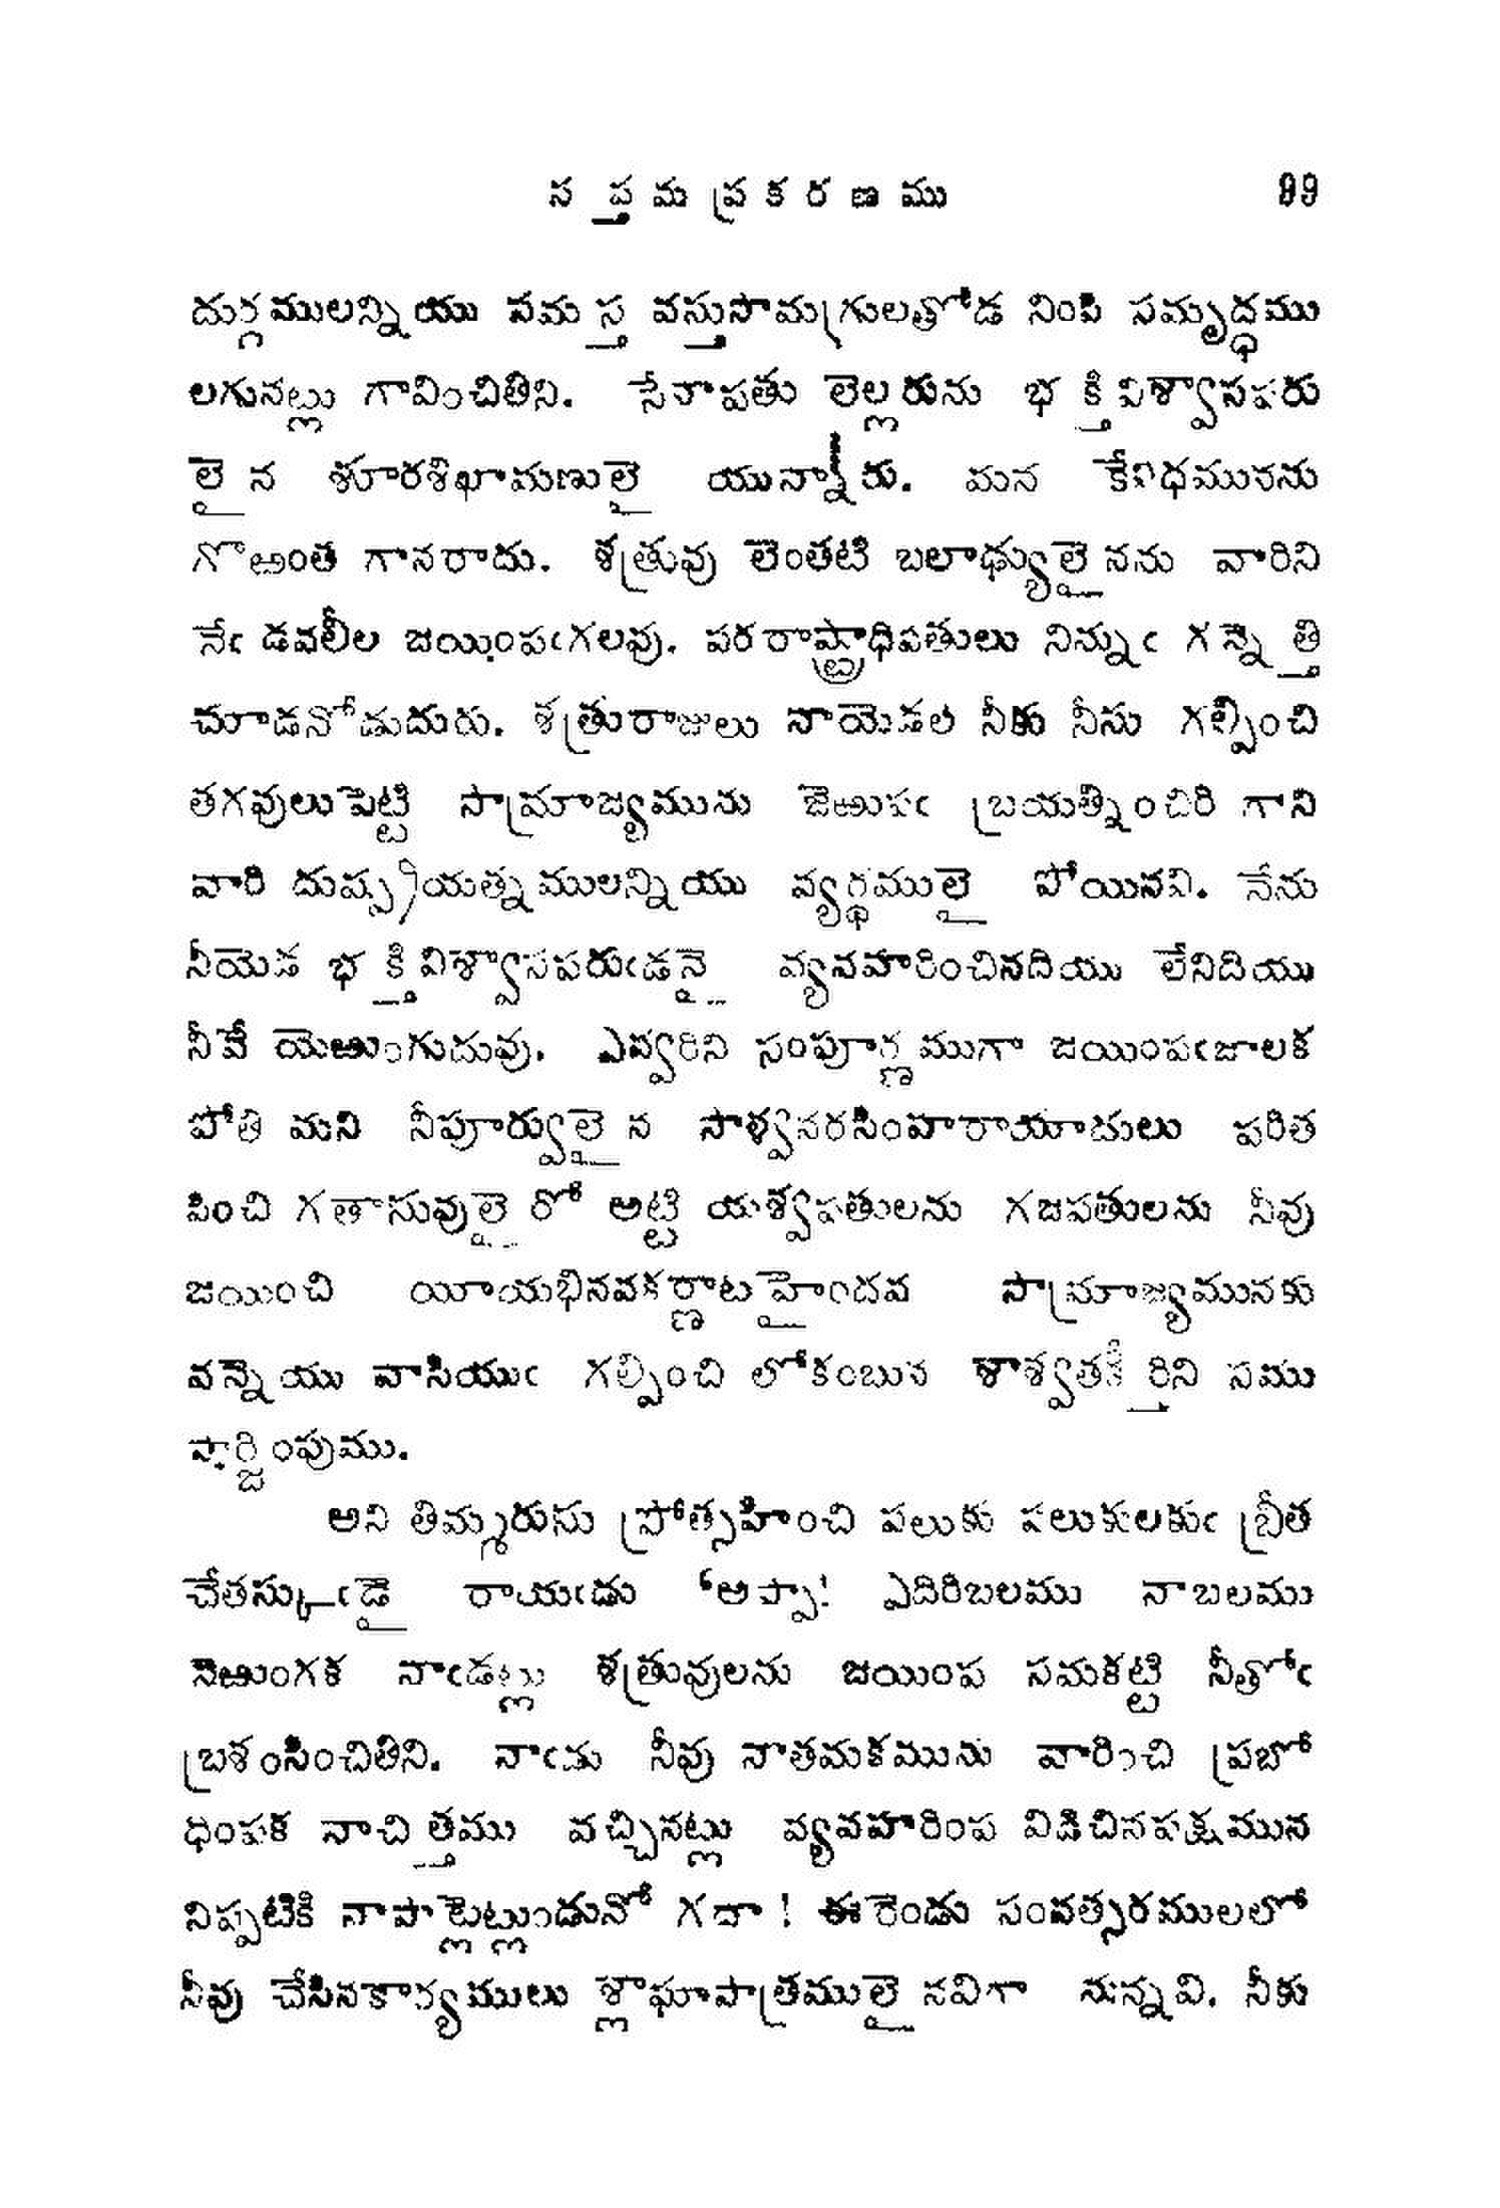దుర్గములన్నియు సమస్త వస్తుసామగ్రులతోడ నింపి సమృద్ధము లగునట్లు గావించితిని. సేనాపతు లెల్లరును భక్తివిశ్వాసపరులైన శూరశిఖామణులై యున్నారు. మన కేవిధమునను గొఱంత గానరాదు. శత్రువు లెంతటి బలాఢ్యులైనను వారిని నేఁ డవలీల జయింపగలవు. పరరాష్ట్రాధిపతులు నిన్నుఁ గన్నెత్తి చూడనోడుదురు. శత్రురాజులు నాయెడల నీకు నీసు గల్పించి తగవులు పెట్టి సామ్రాజ్యమును జెఱుపఁ బ్రయత్నించిరి గాని వారి దుష్ప్రయత్నములన్నియు వ్యర్థములై పోయినవి. నేను నీయెడ భక్తివిశ్వాసపరుఁడనై వ్యవహరించినదియు లేనిదియు నీవే యెఱుంగుదువు. ఎవ్వరిని సంపూర్ణముగా జయింపఁజాలక పోతి మని నీపూర్వులైన సాళ్వనరసింహరాయాదులు పరితపించి గతాసువులైరో అట్టి యశ్వపతులను గజపతులను నీవు జయించి యీయభినవకర్ణాటహైందవ సామ్రాజ్యమునకు వన్నెయు వాసియుఁ గల్పించి లోకంబున శాశ్వతకీర్తిని సముపార్జింపుము.

అని తిమ్మరుసు ప్రోత్సహించి పలుకు పలుకులకుఁ బ్రీత చేతస్కుఁడై రాయఁడు 'అప్పా! ఎదిరిబలము నాబలము నెఱుంగక నాఁడట్లు శత్రువులను జయింప సమకట్టి నీతోఁ బ్రశంసించితిని. నాఁడు నీవు నాతమకమును వారించి ప్రబోధింపక నాచిత్తము వచ్చినట్లు వ్యవహరింప విడిచినపక్షమున నిప్పటికి నాపాట్లెట్లుండునో గదా! ఈరెండు సంవత్సరములలో నీవు చేసినకార్యములు శ్లాఘాపాత్రములైనవిగా నున్నవి. నీకు